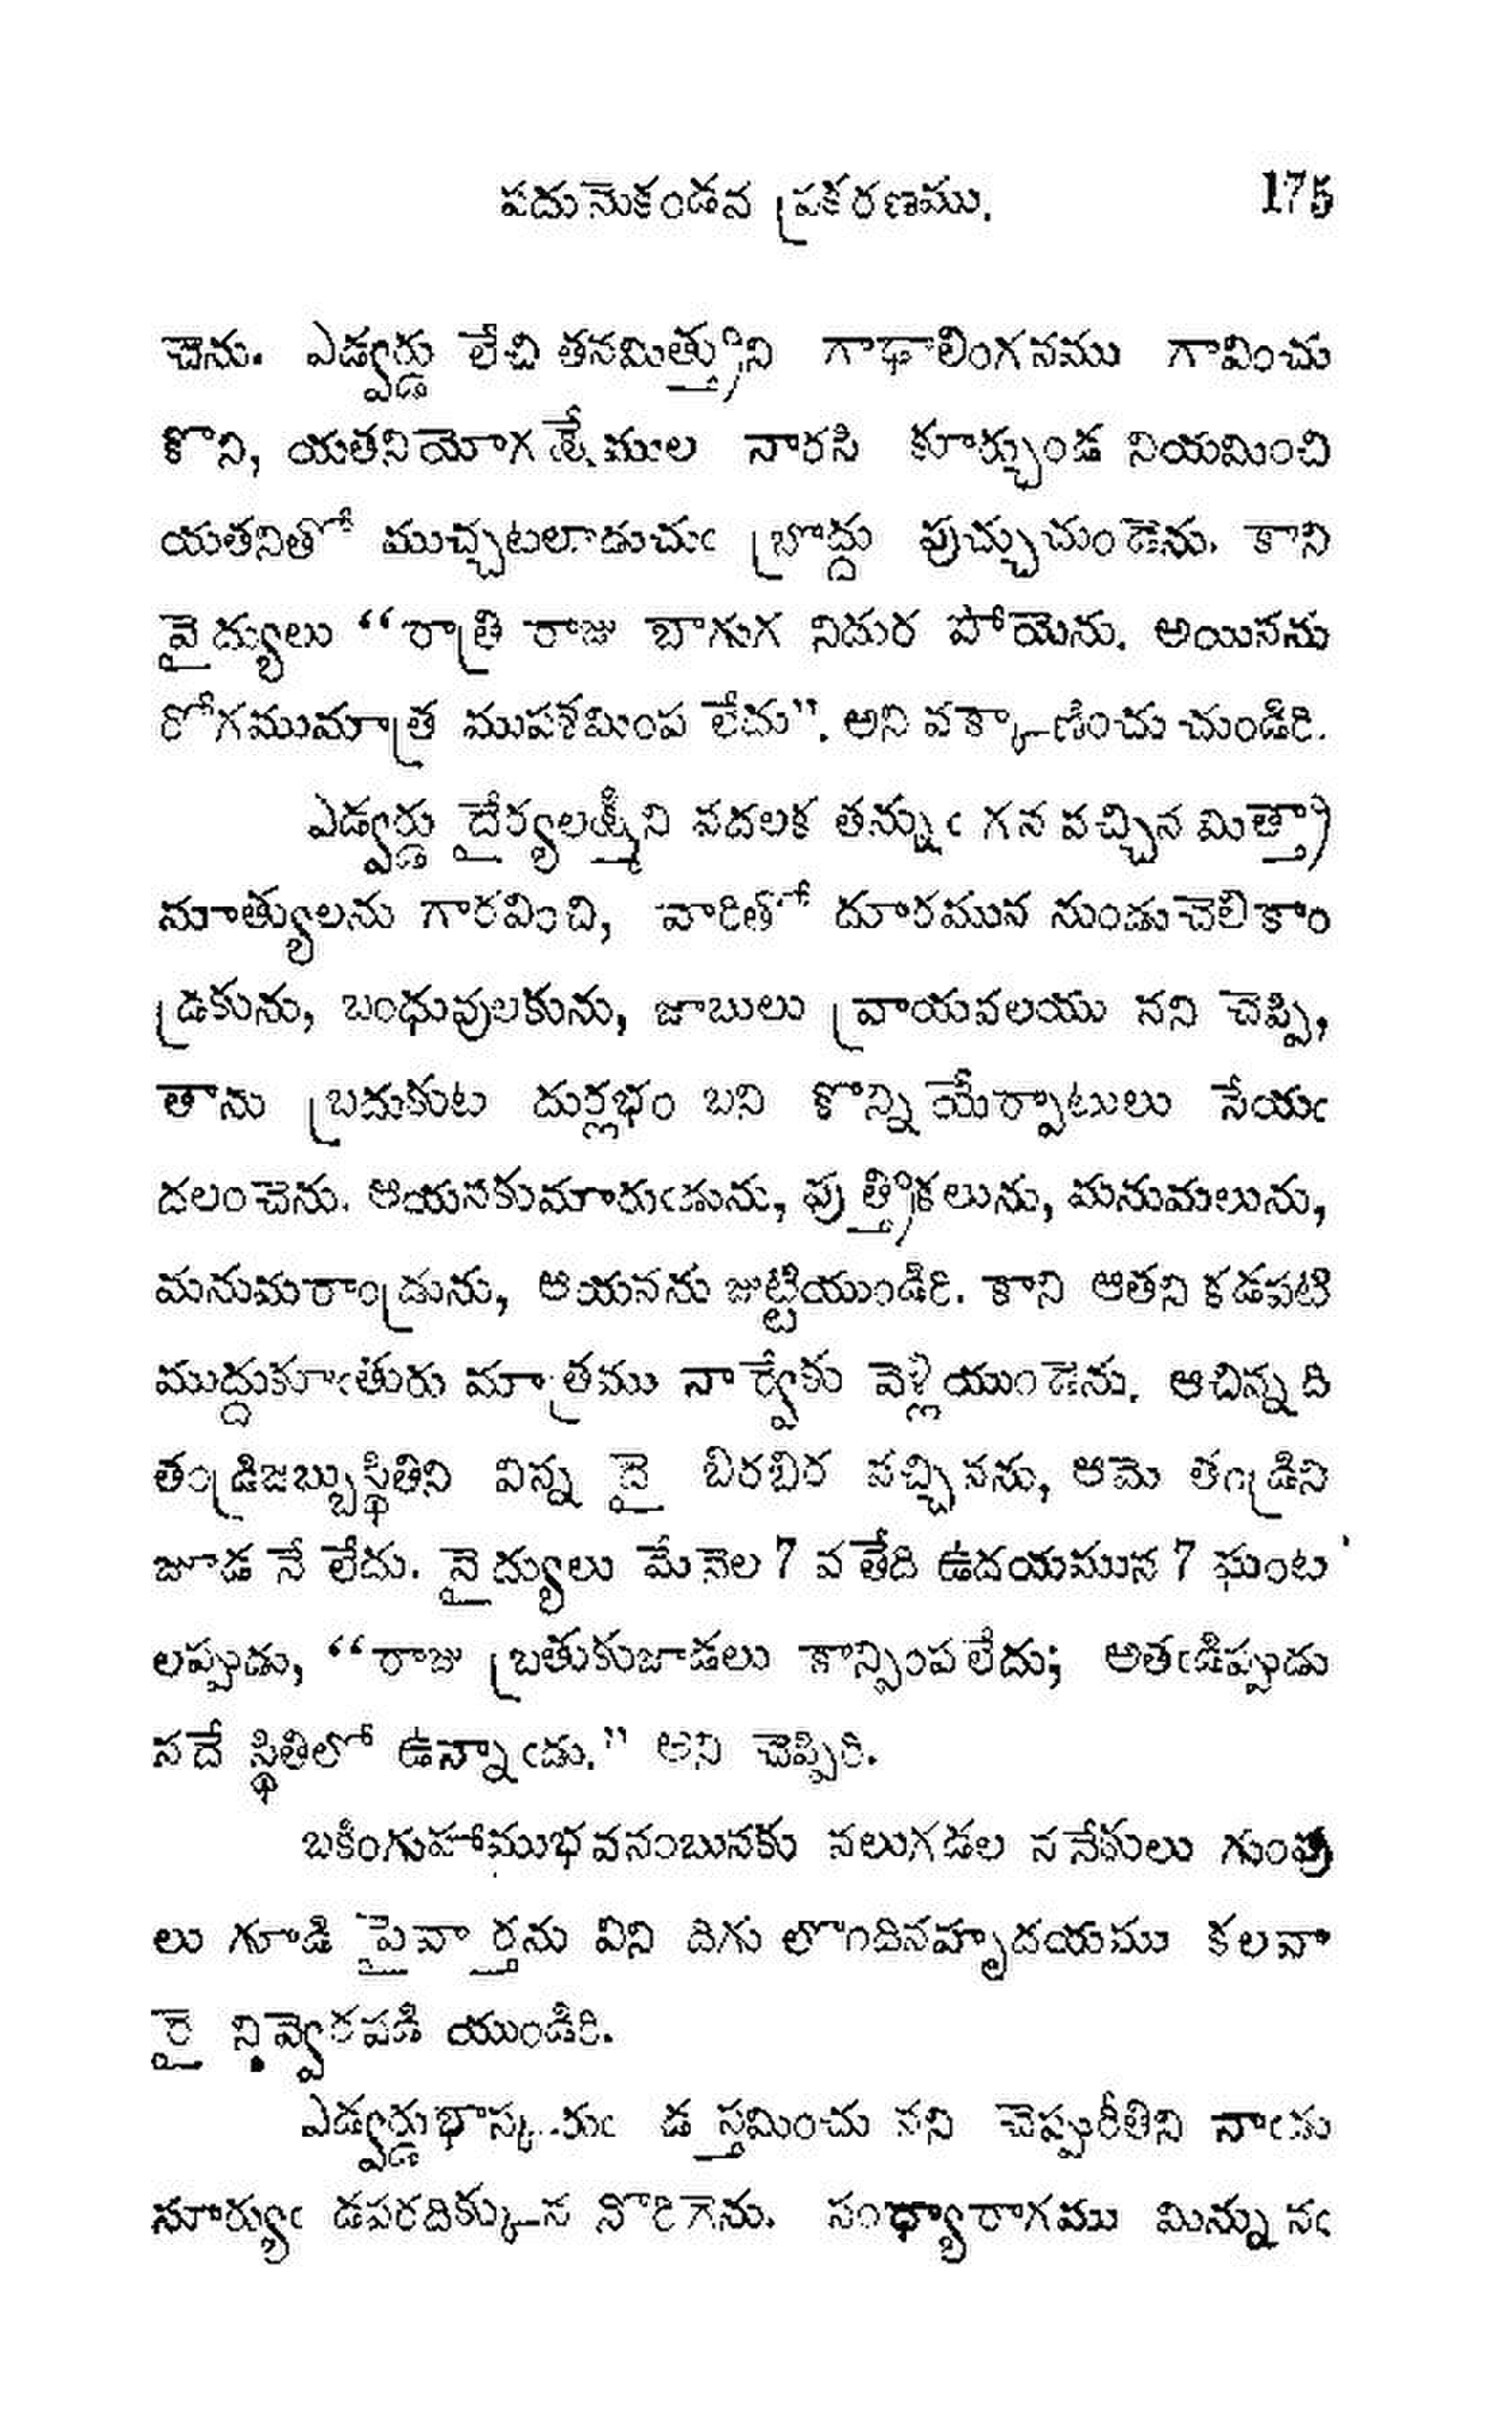చెను. ఎడ్వర్డు లేచి తనమిత్రుని గాఢాలింగనము గావించు కొని, యతని యోగ ముల నారసి కూర్చుండ నియమించి యతనితో ముచ్చటలాడుచుఁ బొద్దు పుచ్చుచుండెను. కాని వైద్యులు “రాత్రి "రాజు బాగుగ నిదుర పోయెను. అయినను రోగముమాత్ర ముపశమింప లేదు". అని వక్కాణించు చుండిరి. ఎడ్వర్డు దైర్య లక్ష్మీని వదలక తన్నుఁ గన వచ్చిన మిత్రా మాత్యులను గారవించి, వారితో దూరమున నుండు చెలికాం డ్రకును, బంధువులకును, జాబులు వ్రాయవలయు నని చెప్పి, తాను బ్రదుకుట దుర్లభంబని కొన్ని యేర్పాటులు సేయఁ దలంచెను. ఆరుస కుమారుఁడును, పుత్రికలును, మనుమలును, మనుమరాండ్రును, ఆయనను జుట్టియుండిరి. కాని అతని కడపటి ముద్దుకూఁతురు మాత్రము నార్వేకు వెళ్లి యుండెను. ఆచిన్నదీ తండ్రి జబ్బుస్థితిని విన్న దై బిరబిర వచ్చినను, ఆమె తండ్రిని జూడనే లేదు. వైద్యులు మే నెల 7 వ తేది ఉదయమున 7 ఘంట' లప్పుడు, “ రాజు బ్రతుకుజాడలు కాన్సింప లేదు; అతఁడిప్పుడు నదే స్థితిలో ఉన్నాఁడు. " అని చెప్పిరి.

బకింగు హాము భవనంబునకు నలుగడల న నేకులు గుంపు లు గూడి పైవార్తను విని దిగు లొందిన హృదయము కలనా రై నివ్వెరపడి యుండిరి.

ఎడ్వర్డు భాస్క.రు డస్తమించు నని చెప్పురీతిని నాఁడు సూర్యుఁ డపరదిక్కున నొడిగెను. సంధ్యా రాగము మిన్ను నఁ